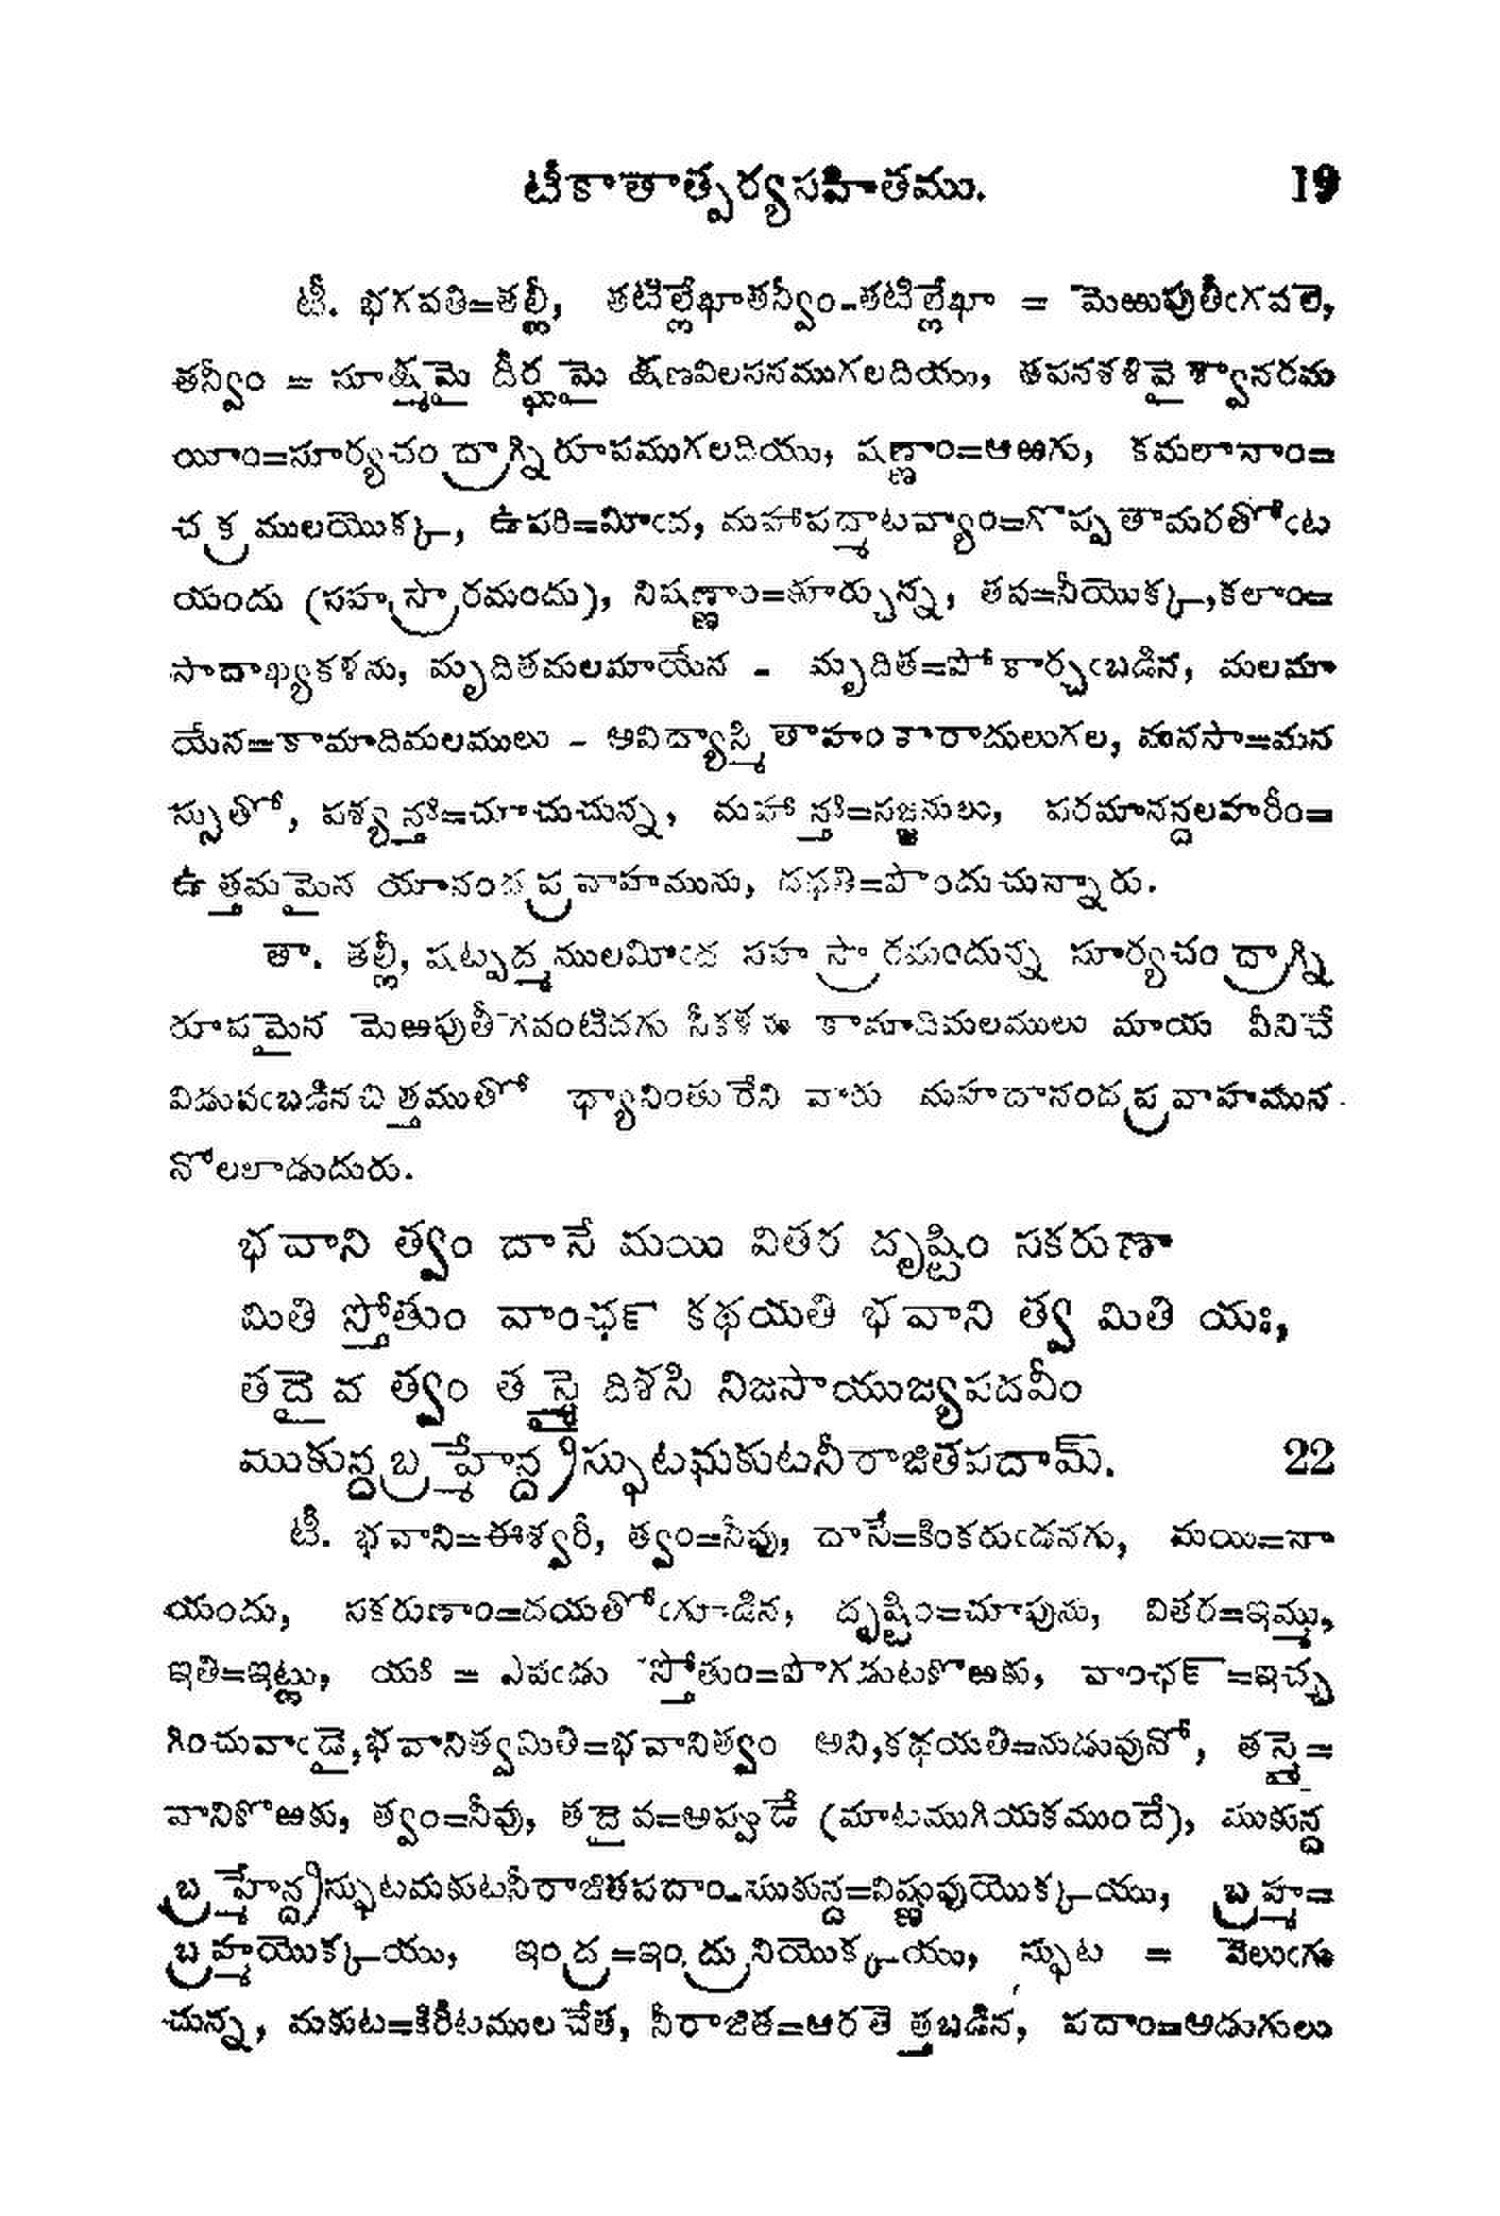టీ. భగవతి = తల్లీ, తటిల్లేఖాతన్వీం-తటిల్లేఖా = మెఱుపుతీఁగవలె, తన్వీం = సూక్ష్మమై దీర్ఘమై క్షణవిలసనముగలదియు, తపనశశివైశ్వానరమయీం = సూర్యచంద్రాగ్నిరూపముగలదియు, షణ్ణాం = ఆఱగు, కమలానాం = చక్రములయొక్క, ఉపరి = మీఁద, మహాపద్మాటవ్యాం = గొప్పతామరతోఁటయందు (సహస్రారమందు), నిషణ్ణాం = కూర్చున్న, తవ = నీయొక్క, కలాం = సాదాఖ్యకళను, మృదితమలమాయేన - మృదిత = పోకార్చఁబడిన, మలమాయేన = కామాదిమలములు - అవిద్యాస్మితాహంకారాదులుగల, మనసా = మనస్సుతో, పశ్యన్తః = చూచుచున్న, మహాన్తః = సజ్జనులు, పరమానన్దలహరీం = ఉత్తమమైన యానంద్రప్రవాహమును, దధతి = పొందుచున్నారు.

తా. తల్లీ, షట్పద్మములమీఁద సహస్రారమందున్న సూర్యచంద్రాగ్నిరూపమైన మెఱుపుతీగెవంటిదగు నీకళను కామాదిమలములు మాయ వీనిచే విడువఁబడినచిత్తముతో ధ్యానింతురేని వారు మహదానందప్రవాహమున నోలలాడుదురు.

భవాని త్వం దాసే మయి వితర దృష్టిం సకరుణా
మితి స్తోతుం వాంఛన్ కథయతి భవాని త్వమితి యః,
తదైవ త్వం తస్మై దిశసి నిజసాయుజ్యపదవీం
ముకున్దబ్రహ్మేంద్రస్ఫుటమకుటనీరాజితపదామ్. 22
టీ. భవాని = ఈశ్వరీ, త్వం = నీవు, దాసే = కింకరుఁడనగు, మయి = నాయందు, సకరుణాం = దయతోఁగూడిన, దృష్టిం = చూపును, వితర = ఇమ్ము, ఇతి = ఇట్లు, యః = ఎవఁడు, స్తోతుం = పొగడుటకొఱకు, వాంఛన్ = ఇచ్చగించువాఁడై, భవానిత్వమితి = భవానిత్వం అని, కథయతి = నుడువునో, తస్మై = వానికొఱకు, త్వం = నీవు, తదైవ = అప్పుడే (మాటముగియకముందే), ముకున్దబ్రహ్మేన్ద్రమకుటనీరాజితపదాం-ముకున్ద = విష్ణువుయొక్కయు, బ్రహ్మ = బ్రహ్మయొక్కయు, ఇంద్ర = ఇంద్రునియొక్కయు, స్ఫుట = వెలుఁగుచున్న, మకుట = కిరీటములచేత, నీరాజిత = ఆర తెత్తబడిన, పదాం = అడుగులు